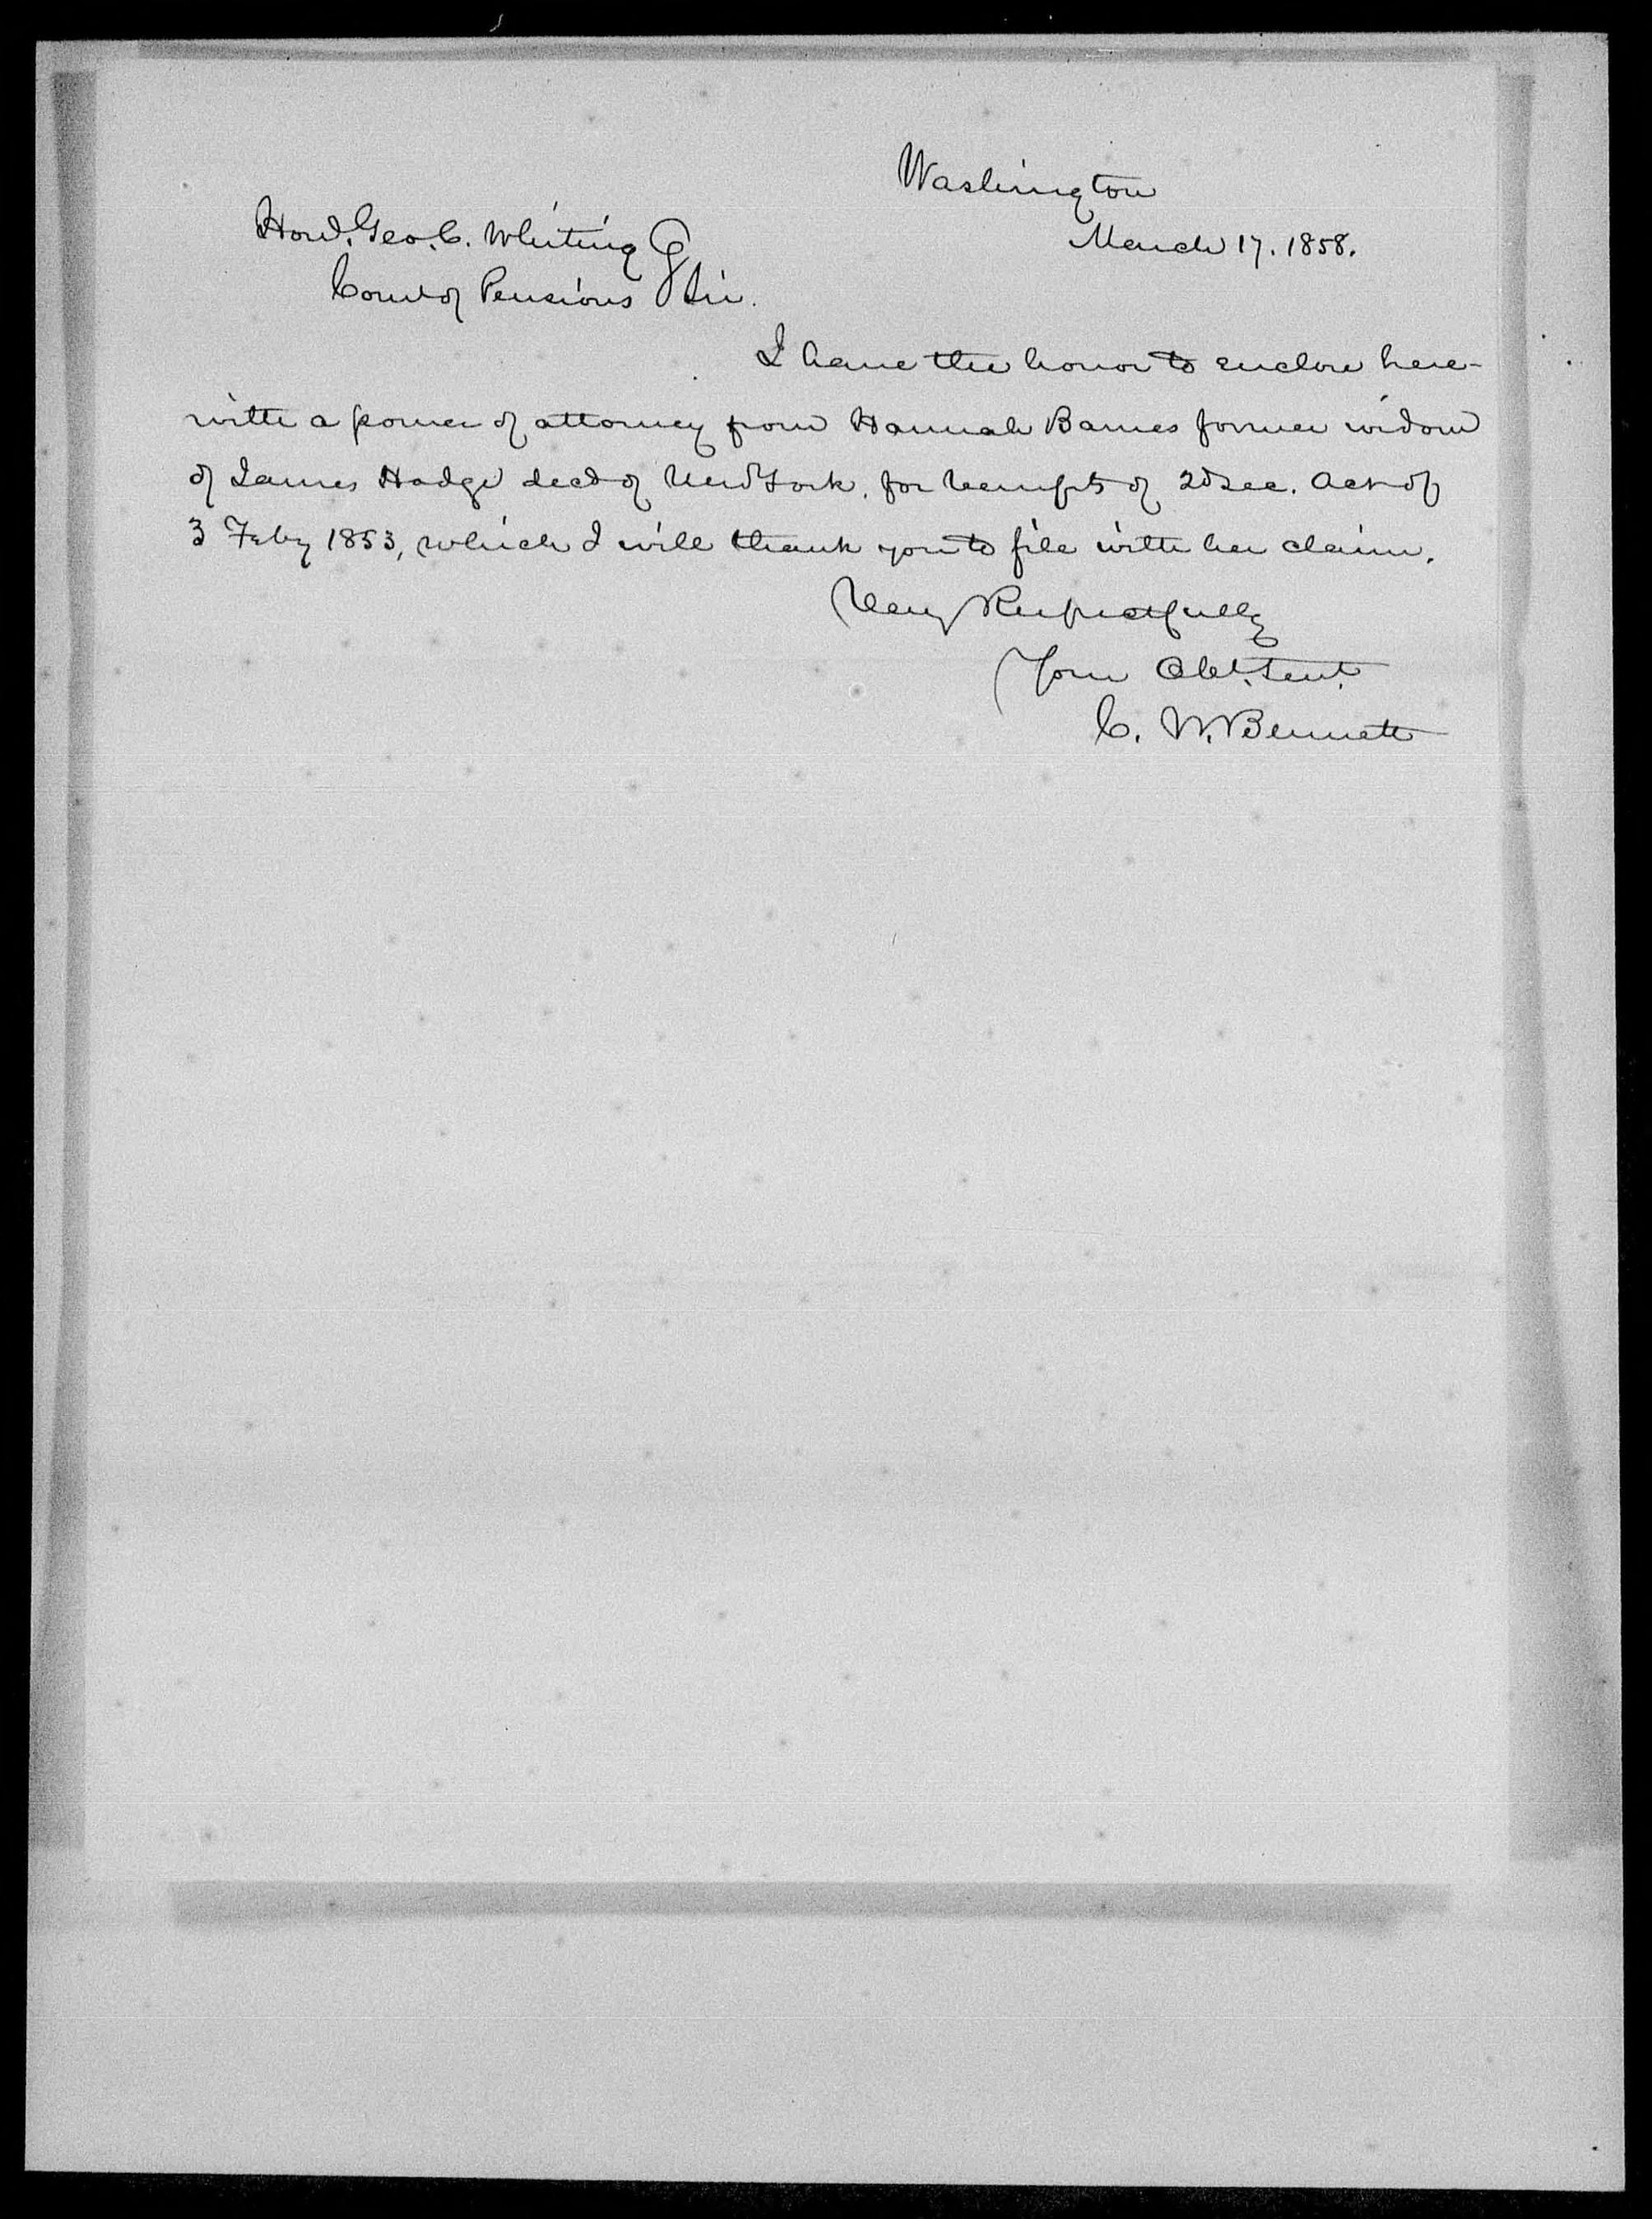Washington March 17 1858
Hon. George Whiting County Pensions 
Sir
I have the honor to enclose here with a power of attorney for Hannah Barnes former widow of James Hodges dead of New York for benefits of 20nd Oct & Feb 1853 which I will thank you to file with her claim.

very respectfully
your servant
C W Bennett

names: C W Bennett, James Hodge, Hannah Burns, Geo C Whiting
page: 24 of 48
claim: widow's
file: W. 10476, James Hodge, New York